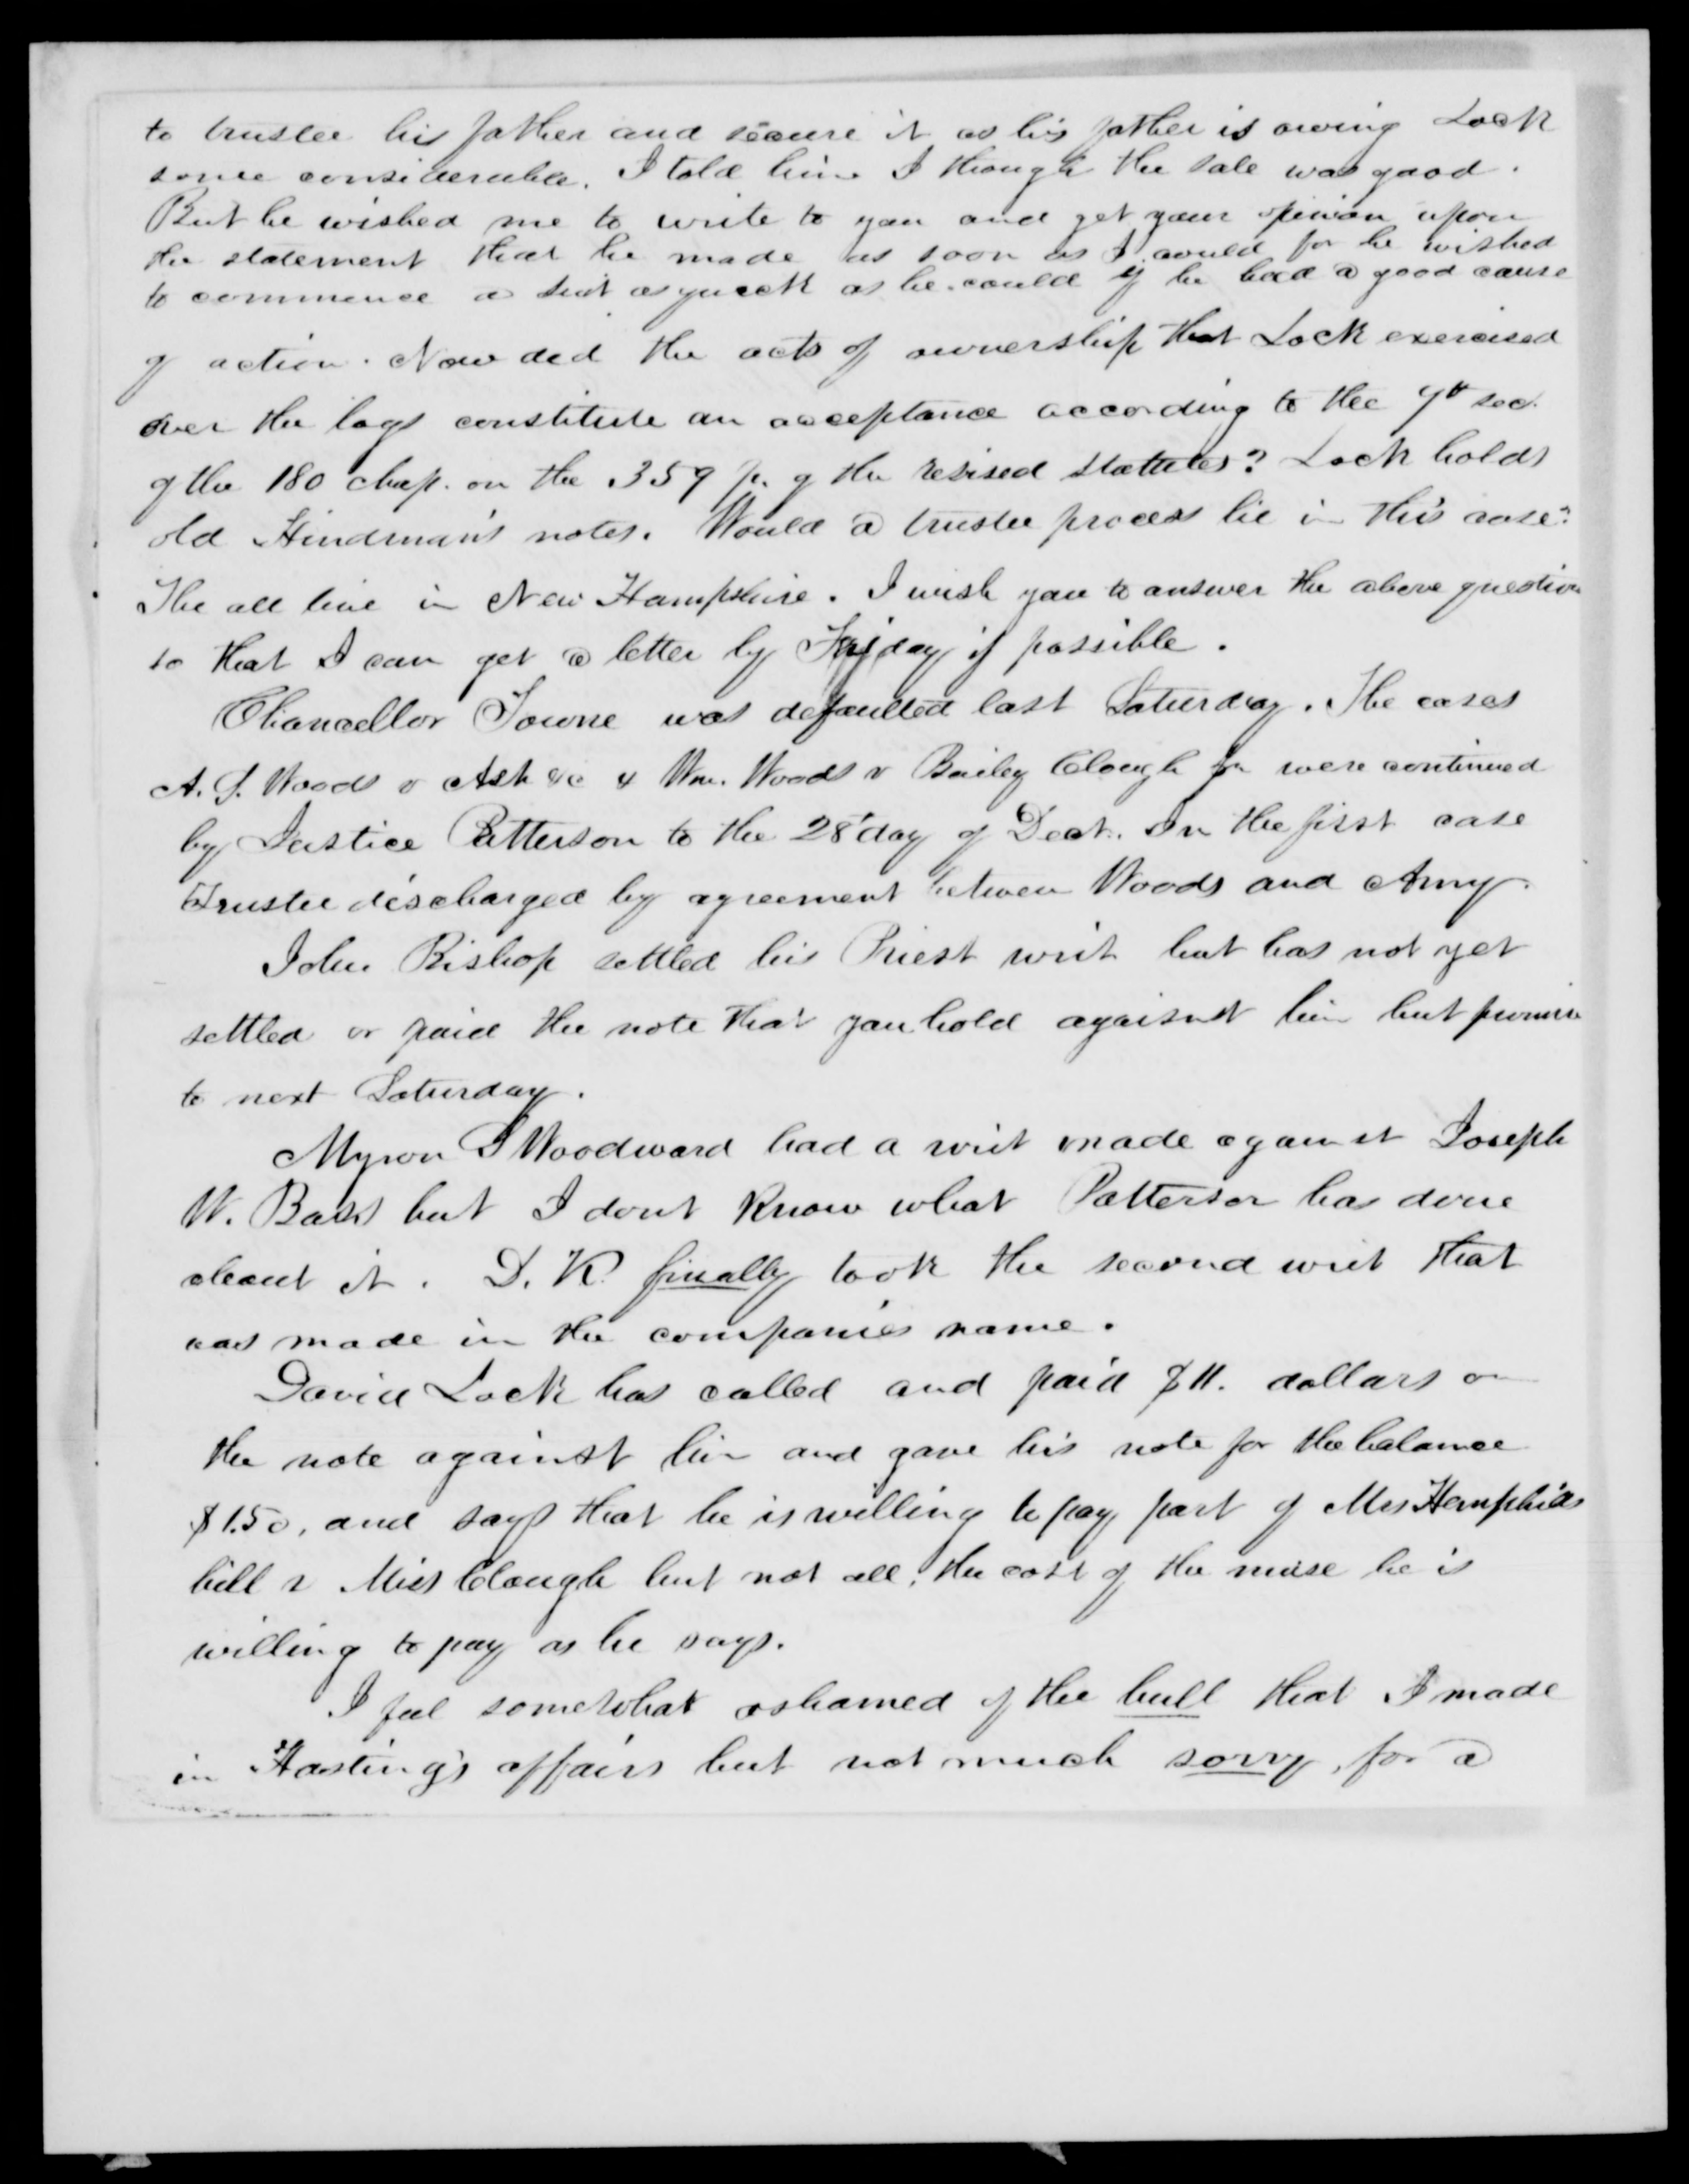to trustee his father and secure it as his father is owing Lock
some considerable. I told him I though the sale was good.
But he wished me to write to you and get your opinion upon
the statement that he made as soon I could for he wished
to commence a seat a quick as he could if he had a good cause
of action. Now did the acts of ownership that Lock exercised
over the logs constitute an acceptance according to the 4th sec
of the 180 chap on the 359 p. of the revised Statutes? Lock holds
old Hindman's notes. Would a trustee process lie in this case
The all live in New Hampshire. I wish you to answer the above question
so that I can get a letter by Friday if possible.
Chancellor Towne was defaulted last Saturday. The cases
A. S. Woods & Ash &c & Wm. Woods or Bailey Clough Jr were continued
by Justice Patterson to the 28 day of Decr. In the first case
Trustee discharged by agreement between Woods and Amy.
John Bishop settled his Priest writ but has not yet
settled or paid the note that you hold against him but promised to next Saturday.
Myron S. Woodward had a writ made against Joseph
W. Bass but I dont know what Patterson has done about it.
D.K. finally took the second writ that
was made in the companies name.
David Lock has called and paid $11 dollars on
the note against him and gave his note for the balance
$1.50, and says that he is willing to pay part of Mrs Hemphill's bill or
Miss Clough but not all, the cost of the more he is willing to pay as he says.
I feel somewhat ashamed of the bull that I made
in Hasting's affairs but not much sorry, for a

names: Hanphias, Bailey Clough, Patterson, Myron S Woodward, Joseph W Bass, Wm Woods, John Bishop, Ash, A S Woods, Towne, David Lock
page: 52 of 78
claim: widow's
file: W. 25856, Samuel Way, N.H.